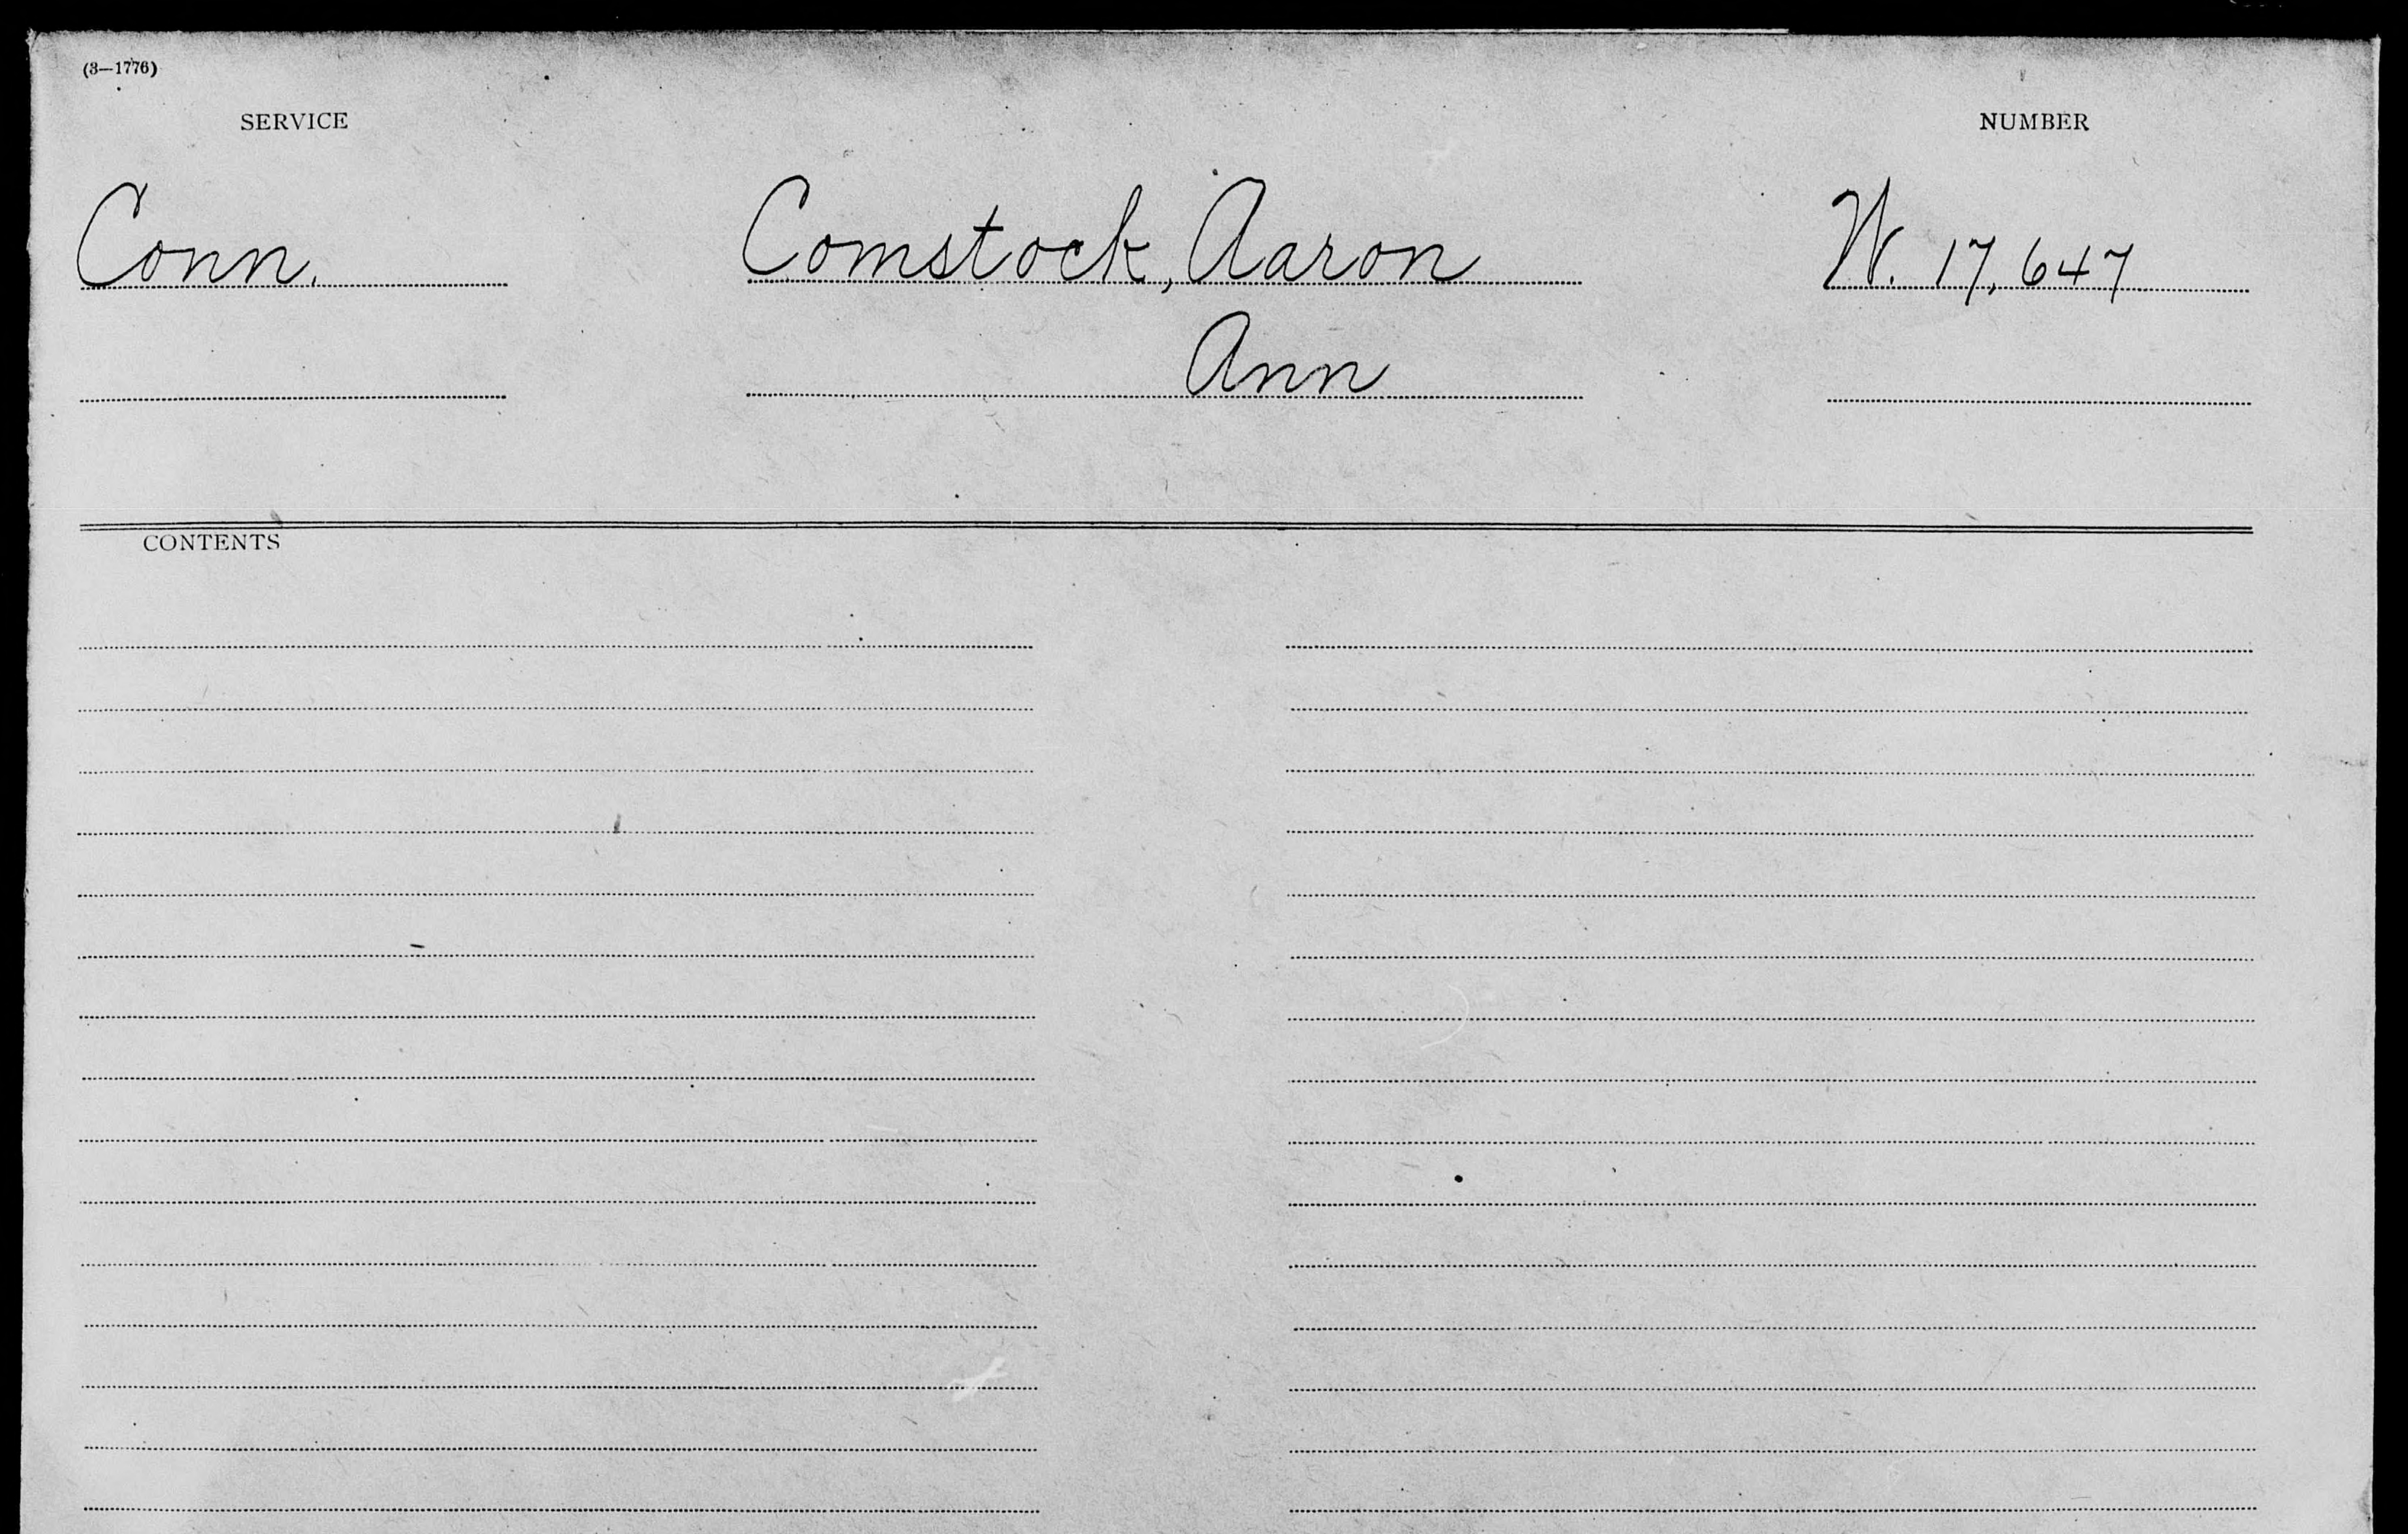(3-1776)

SERVICE NUMBER

Conn. Comstock, Aaron W. 17,647
Ann

CONTENTS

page: 1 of 43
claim: widow's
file: W. 17,647, Aaron Comstock, Conn.